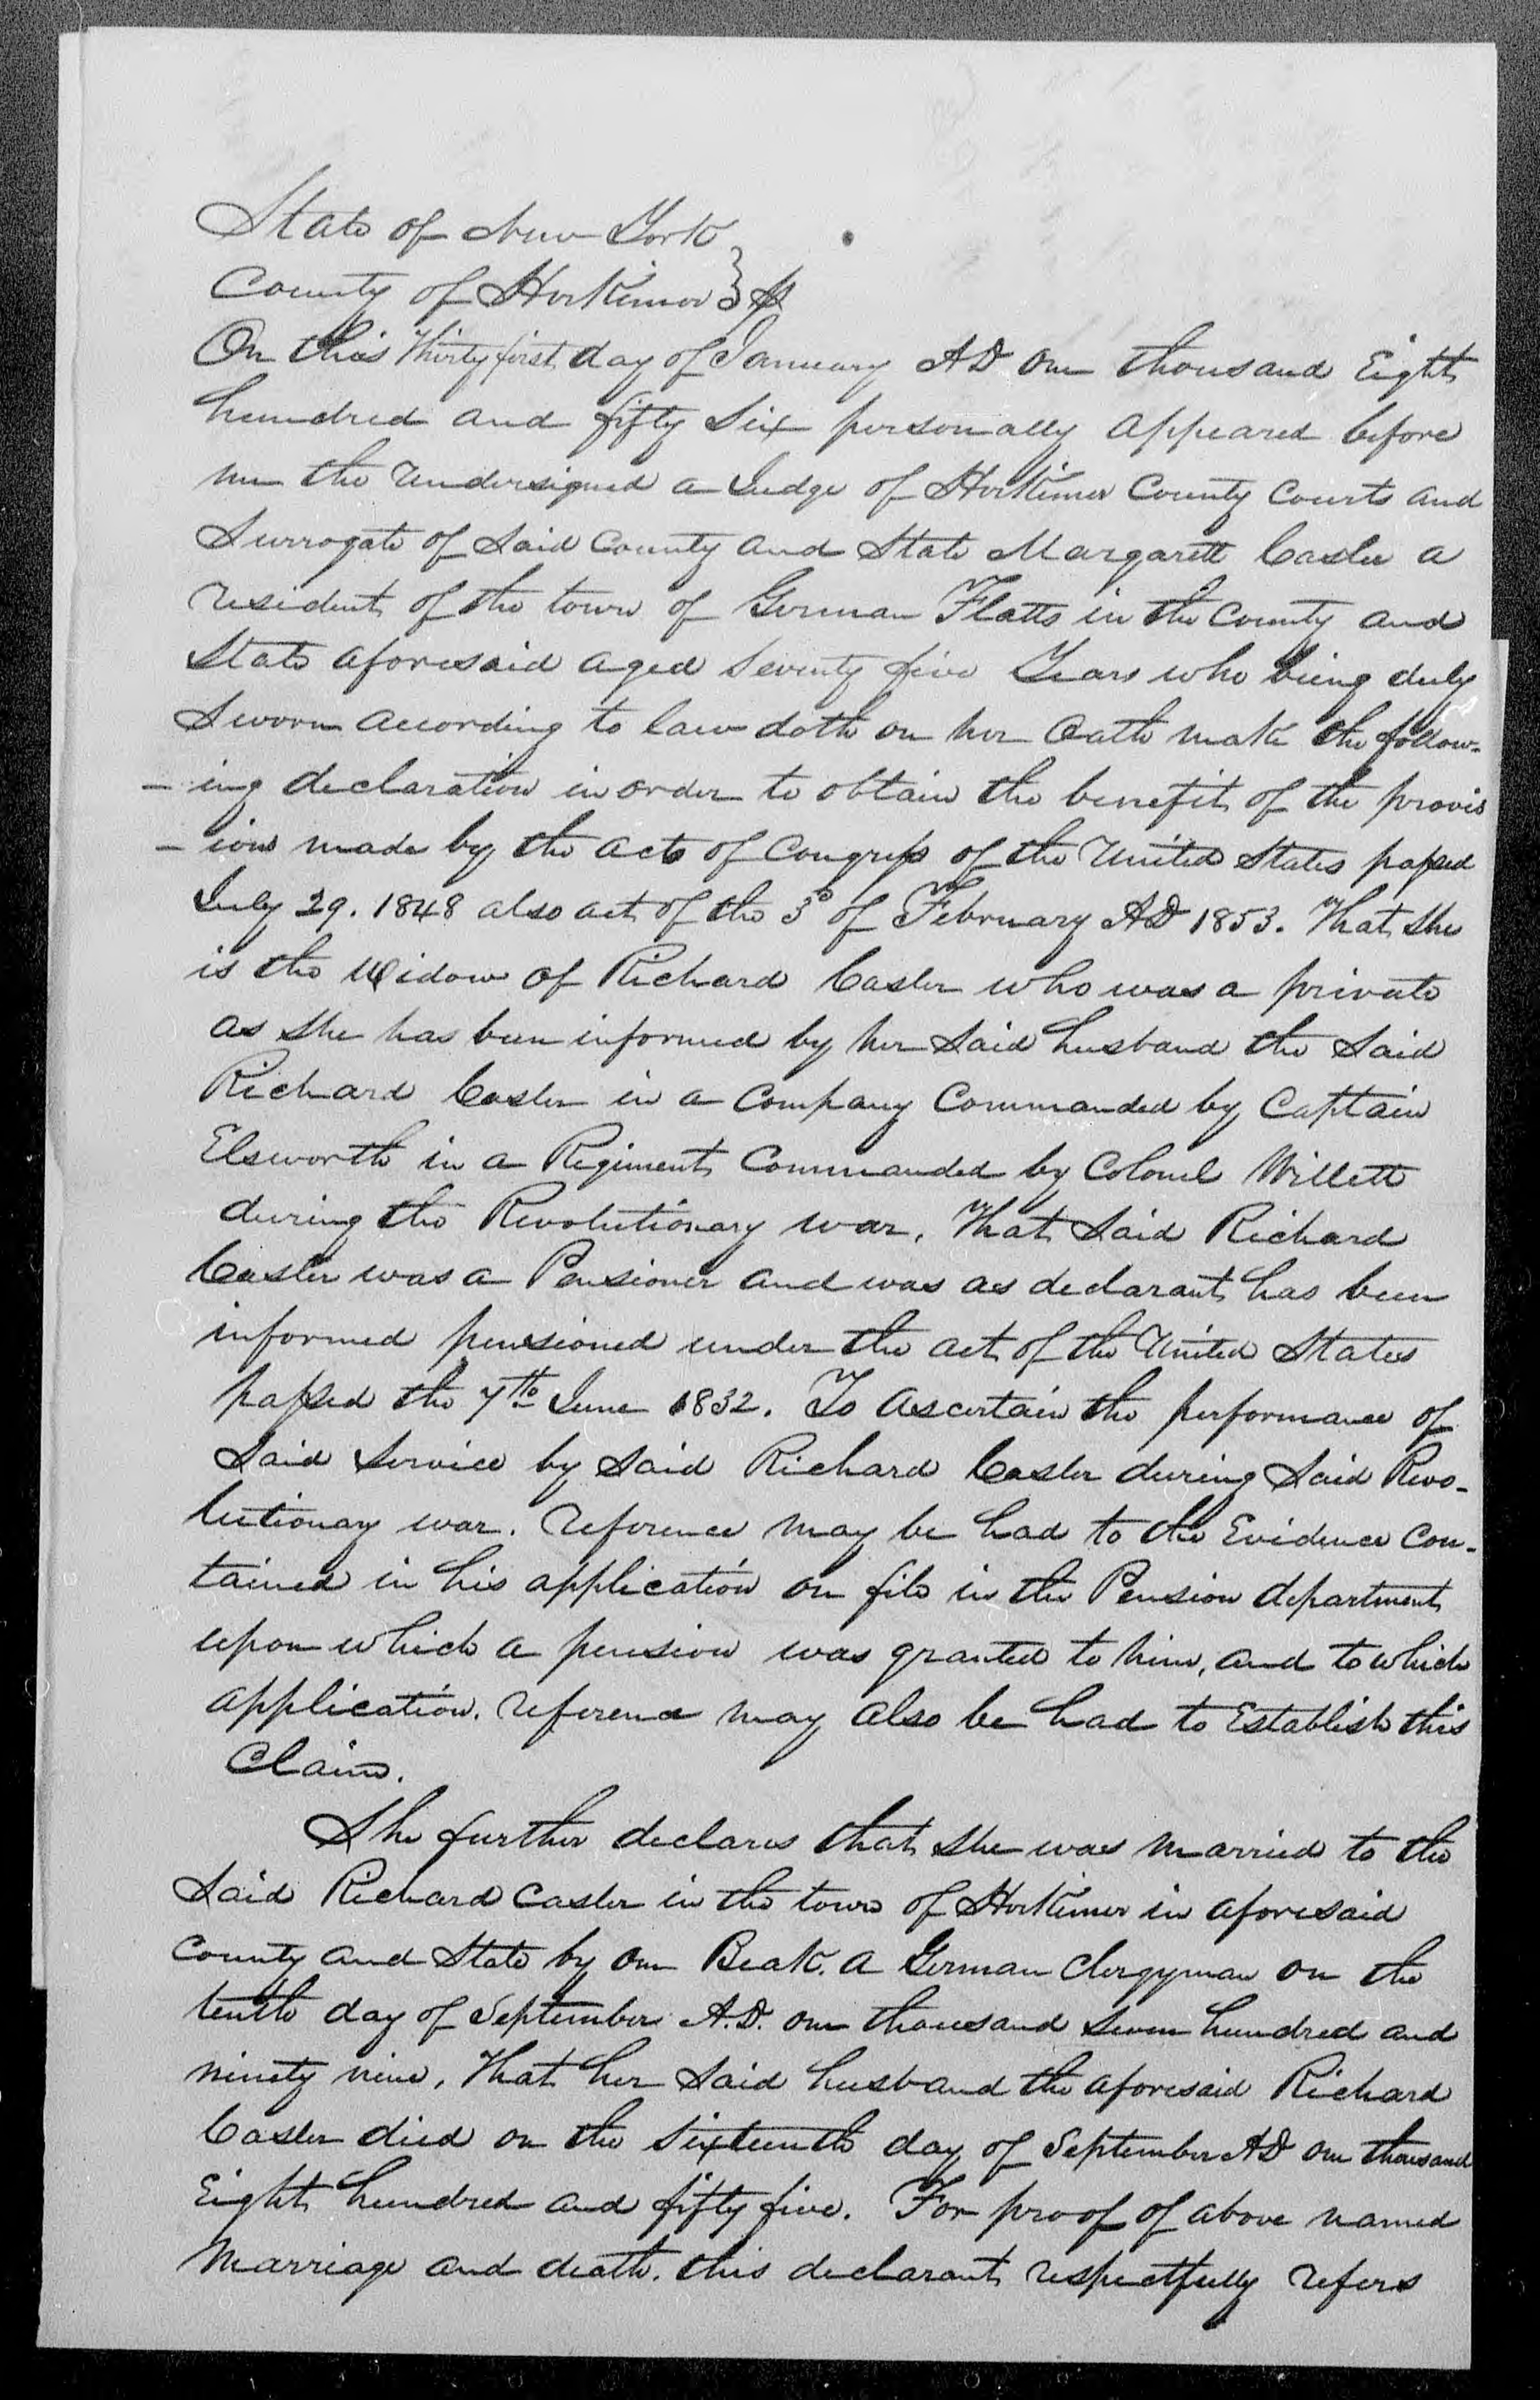State of New York 
County of Herkimer } ss
On this thirty first day of January AD one thousand eight hundred and fifty six personally appeared before me the undersigned a Judge of Herkimer County Courts and Surrogate of said county and State Margarett Casler a resident of the town of German Flatts in the county and state aforesaid aged Seventy five years who being duly sworn according to law doth on her oath make the following declaration in order to obtain the benefit of the provisions made by the act of Congress of the United States passed July 29, 1848 also act of the 3d of February AD 1853. That she is the widow of Richard Casler who was a private as she has been informed by her said husband the said Richard Casler in a company commanded by Captain Elsworth in a Regiment commanded by Colonel Willett during the Revolutionary war. That said Richard Casler was a Pensioner and was as declarant has been informed pensioned under the act of the United States passed the 7th June 1832. To ascertain the performance of said service by said Richard Casler during said Revolutionary war, reference may be had to the evidence contained in his application on file in the Pension department upon which a pension was granted to him, and to which application, reference may also be had to establish this claim 
She further declares that she was married to the said Richard Casler in the town of Herkimer in aforesaid county and state by one Beak a German Clergyman on the tenth day of September A.D. one thousand seven hundred and ninety nine, that her said husband the aforesaid Richard Casler died on the sixteenth day of September AD one thousand eight hundred and fifty five. For proof of above named marriage and death, this declarant respectfully refers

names: Richard Casler, Willett, Richard Casler, Richard Casler, Margarett Casler, Richard Casler, Richard Casler, Elsworth, Richard Casler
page: 26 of 66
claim: widow's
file: W. 6637, Richard Caslar, New York